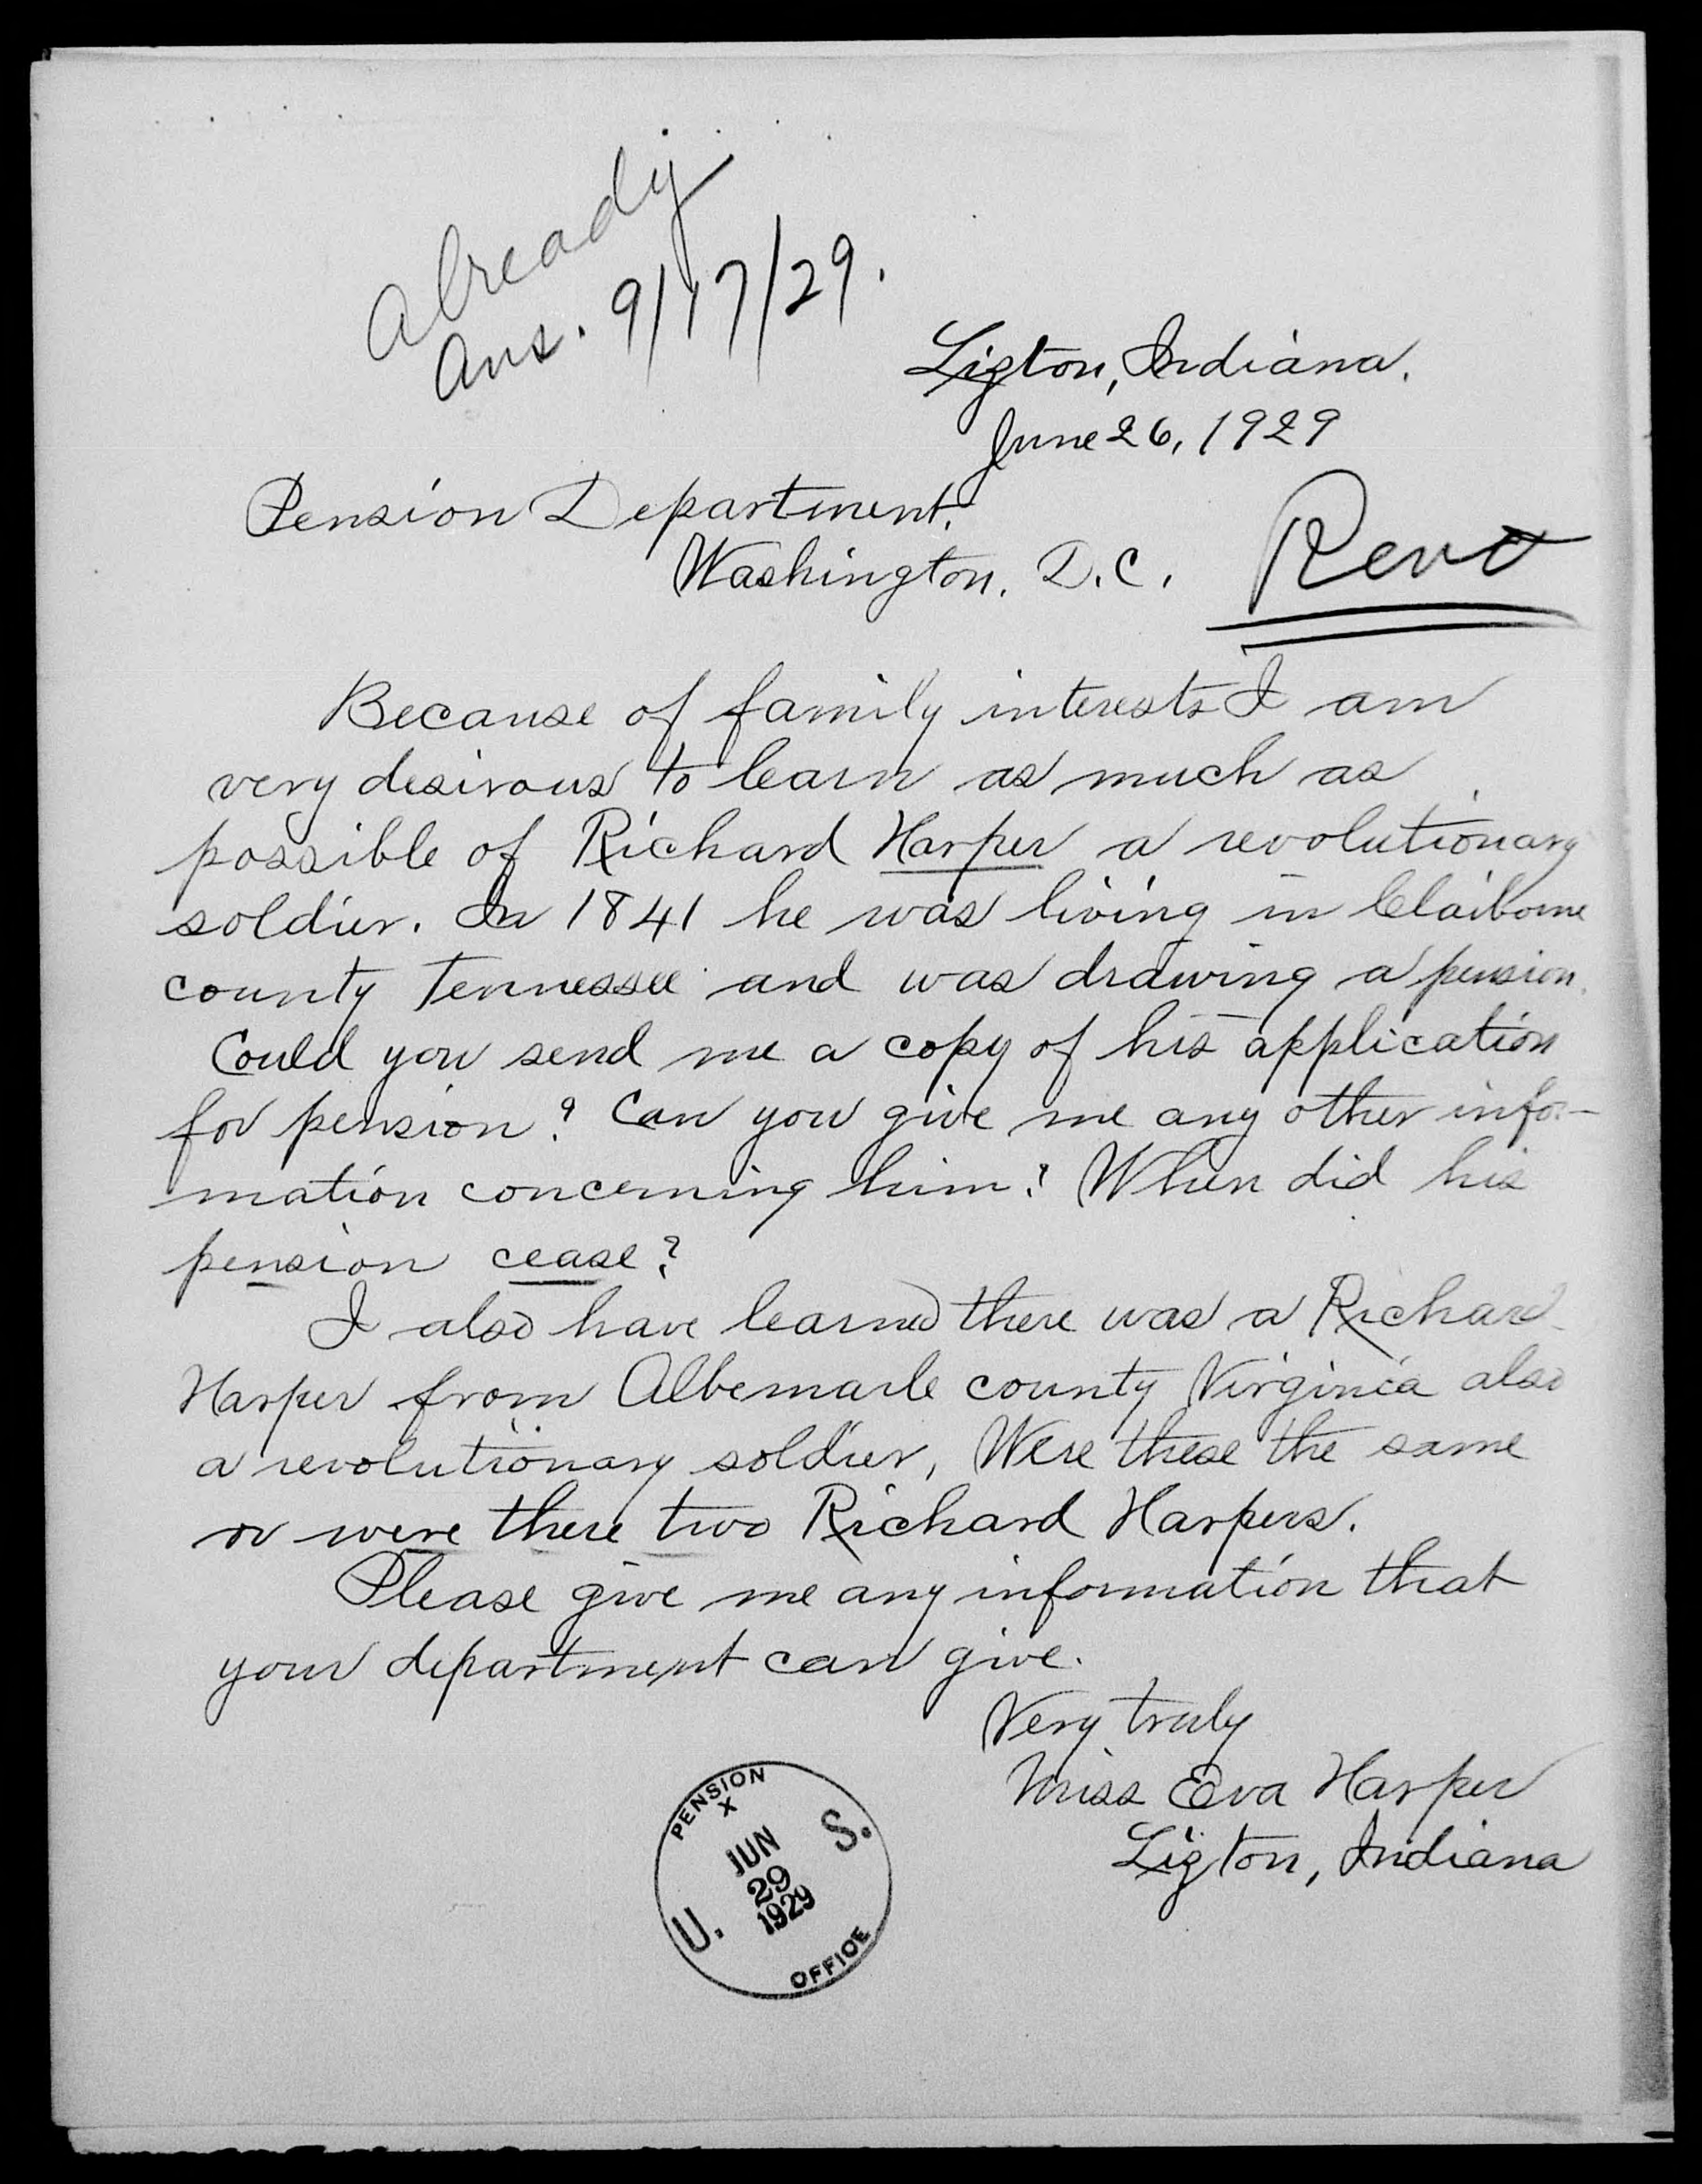Already
Ans: 9/17/29.

Tipton, Indiana
June 26, 1929

Pension Department,
Washington, D.C.

[added punctuation for clarity purposes in transcription]

Revo

Because of family interests, I am very desirous to learn as much as possible of Richard Harper, a revolutionary soldier. In 1841 he was living in Claiborne County, Tennessee, and was drawing a pension.

Could you send me a copy of his application for pension? Can you give me any other infor-mation concerning him? When did his pension cease? [pension and cease are both underlined]

I also have learned there was a Richard Harper from Albemarle County, Virginia, also a revolutionary soldier. Were these the same, or were there two Richard Harpers?

Please give me any information that your department can give.

Very truly,
Miss Eva Harper
Tipton, Indiana

[Stamped at the bottom]:

PENSION X
U.S.
OFFICE
JUN 29
1929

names: Richard Harper, Eva Harper, Richard Harper, Richard Harper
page: 42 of 81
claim: survivor's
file: S. 1908, Richard Harper, N.C.